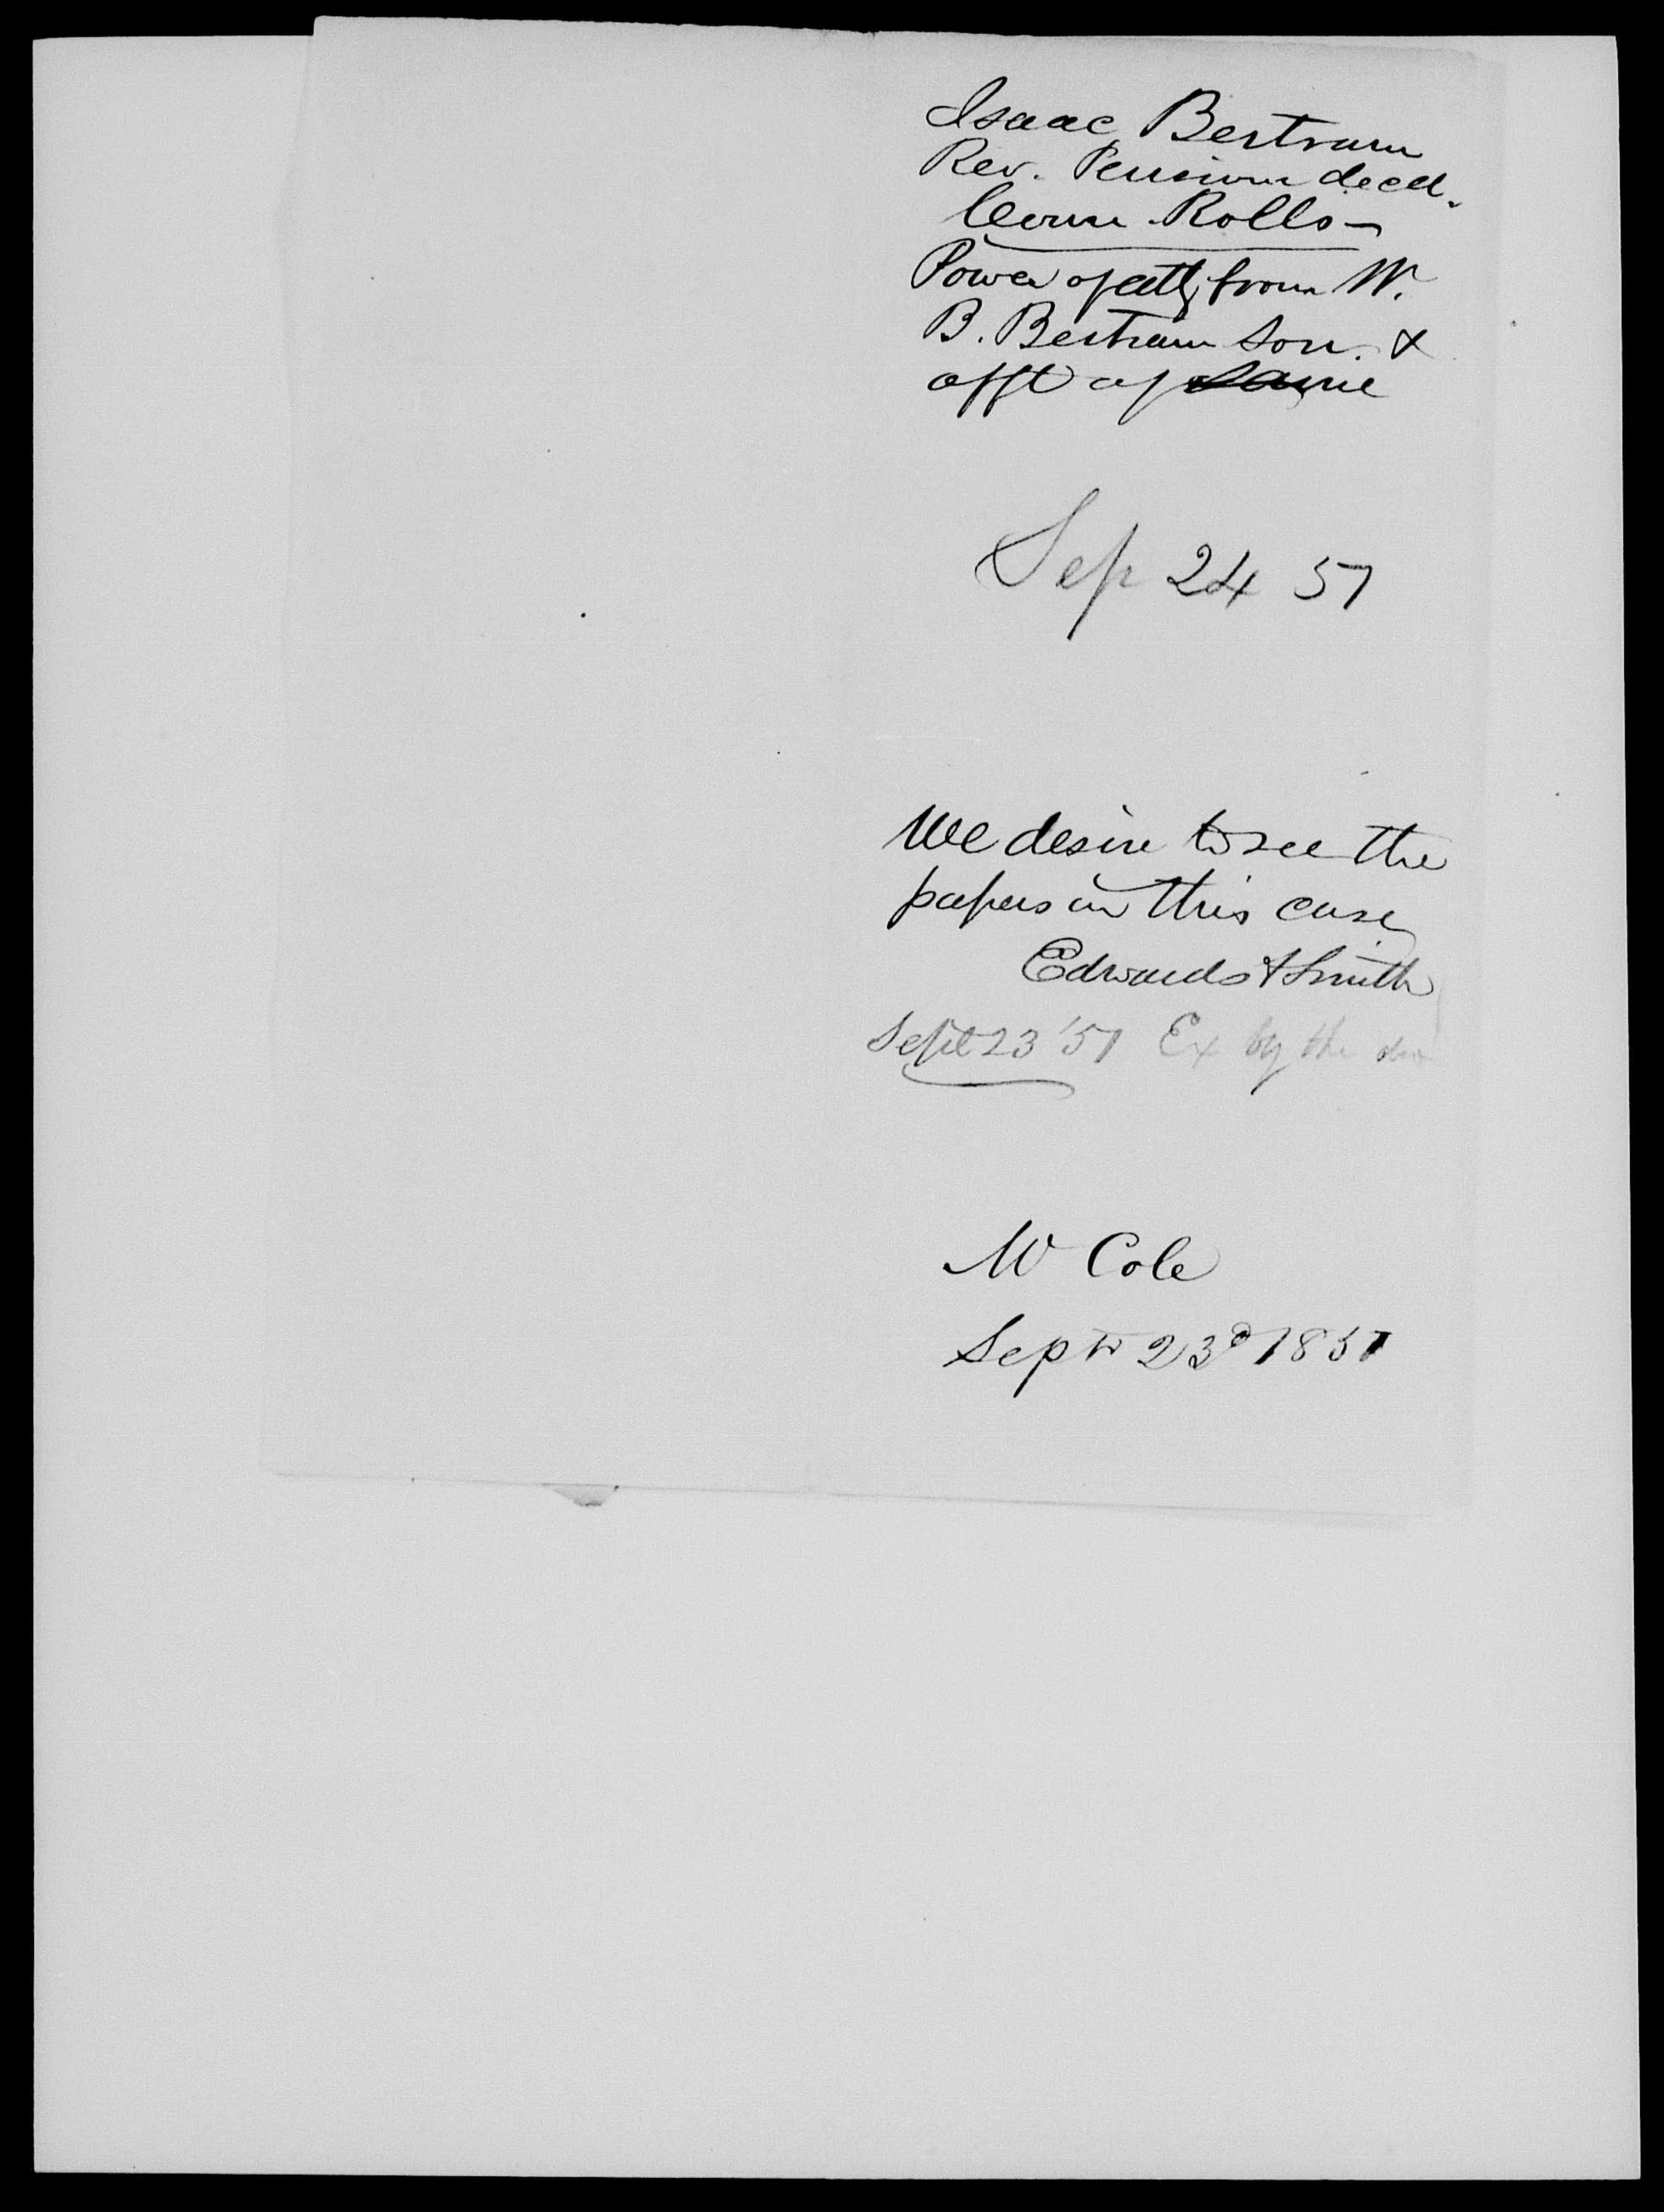Isaac Bertram
Rev. Pensioner decd
Conn Rolls

Power of atty from W.
B. Bertram Son &
offt of same
 
Sep 24 57

We desire to see the
papers in this case
Edwards & Smith
Sept 23 '57 Ex by the [illegible]

W  Cole
Sept 23d 1857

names: Cole, Smith, Edwards, Isaac Bertram, W B Bertram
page: 26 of 39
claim: survivor's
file: S. 12110, Isaac Bartram, Continental (Conn)